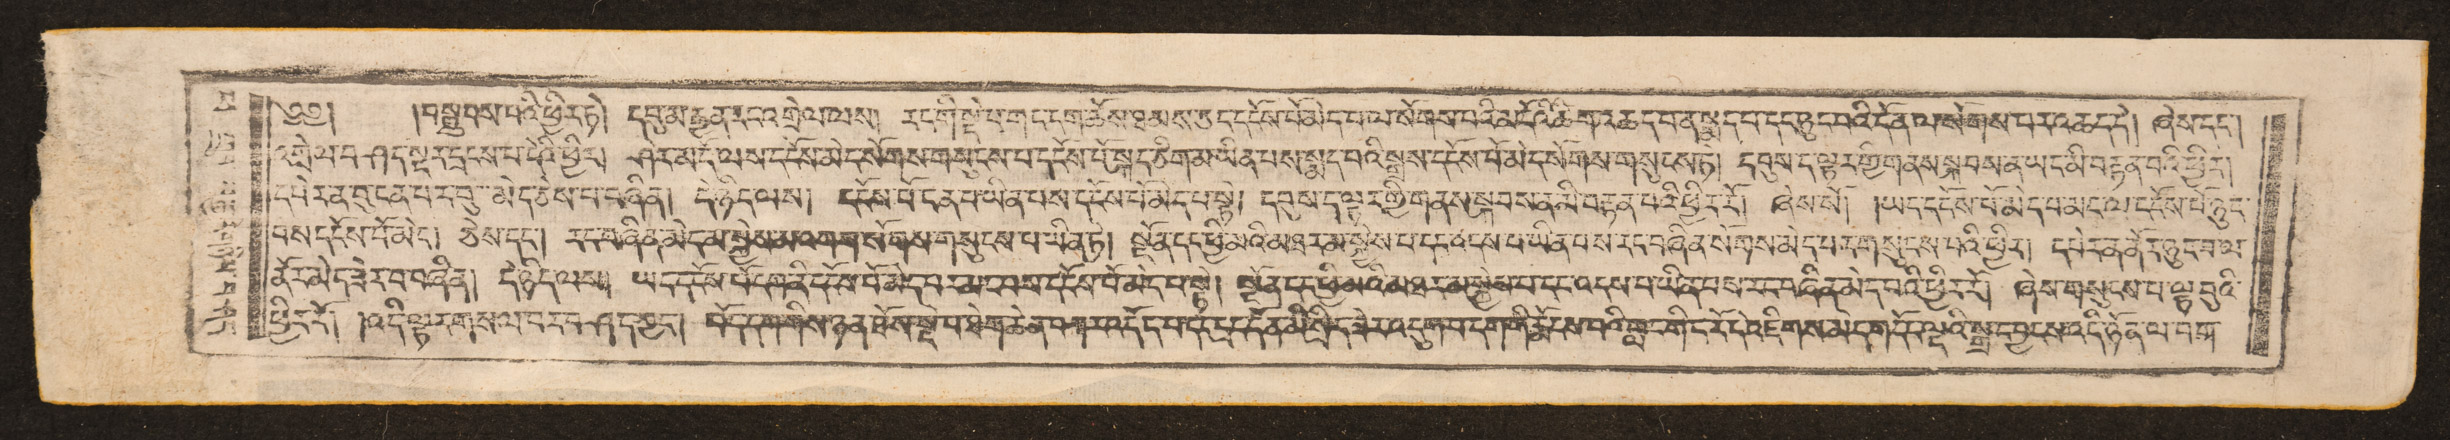༄༅། །བསྒྲུབས་པའི་ཕྱིར་ཏེ། དབུ་མ་རྒྱན་རང་འགྲེལ་ལས། རང་གི་སྡེ་པ་གང་དག་ཆོས་ཐམས་ཅད་དངོས་པོ་མེད་པ་ལ་སོགས་པའི་མདོའི་ཚིག་འཆད་པ་ན་སྨད་པ་དང་ཉུང་བའི་དོན་ལ་སོགས་པར་འཆད་དེ། ཞེས་དང་།
འགྲེལ་བཤད་སྔར་དྲངས་པ་དེའི་ཕྱིར། ཤེར་མདོ་ལས་དངོས་མེད་སོགས་གསུངས་པ་དངོས་པོ་སྐད་ཅིག་མ་ཡིན་པས་སྨད་པའི་སྒྲས་དངོས་པོ་མེད་སོགས་གསུངས་ཏེ། དཔུས་ད་ལྟར་གྱི་གནས་སྐབས་ན་ཡང་མི་བརྟན་པའི་ཕྱིར།
དཔེར་ན་བུ་ངན་པར་བུ་མེད་ཅེས་པ་བཞིན། དེ་ཉིད་ལས། དངོས་པོ་ངན་པ་ཡིན་པས་དངོས་པོ་མེད་བ་སྟེ། དབུས་ད་ལྟར་གྱི་གནས་སྐབས་ན་མི་བརྟན་པའི་ཕྱིར་རོ། ཞེས་སོ། །ཡང་དངོས་བོ་མེད་པ་མང་ལ་དངོས་པོ་ཉུང་
བས་དངོས་པོ་མེད། ཅེས་དང་། རང་བཞིན་མེད་མ་སྐྱེས་མ་འགག་སོགས་གསུངས་པ་ཡིན་ཏེ། སྔོན་དང་ཕྱི་མའི་མཐར་མ་སྐྱེས་པ་དང་འདས་པ་ཡིན་པས་རང་བཞིན་སོགས་མེད་པར་གསུངས་པའི་ཕྱིར། དཔེར་ན་ནོར་ཉུང་བ་ལ་
ནོར་མེད་ཟེར་བ་བཞིན། དེ་ཉིད་ལས། ཡང་དངོས་པོ་དག་ནི་དངོས་པོ་མེད་པར་མང་བས་དངོས་པོ་མེད་པ་སྟེ། སྔོན་དང་ཕྱི་མའི་མཐར་མ་སྐྱེས་པ་དང་འདས་པ་ཡིན་པས་རང་བཞིན་མེད་པའི་ཕྱིར་རོ། ཞེས་གསུངས་པ་ལྟ་བུའི་
ཕྱིར་རོ། །འདི་ལྟར་གསལ་བར་བཤད་ཀྱང་། བོད་དག་གིས་ཉན་ཐོས་སྡེ་པ་ཐེག་ཆེན་བཀར་འདོད་པ་དང་དྲང་དོན་མི་སྲིད་ཟེར་འདུག་པ་དག་གི་རྨོངས་པའི་གླང་གི་ང་རོ་དེ་འཇིགས་མེད་གདོང་ལྔའི་སྒྲ་དབྱངས་འདི་ཉོན་ལ་པག་